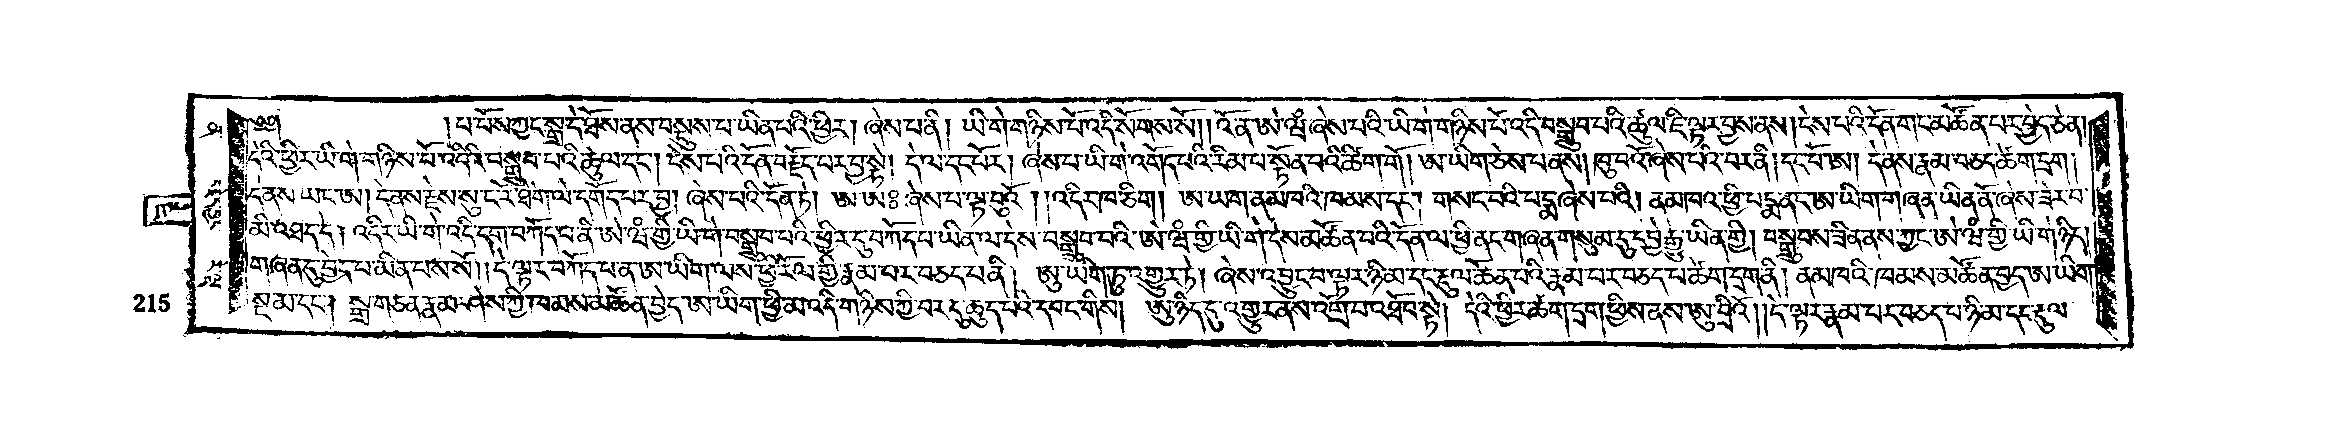༄༅། །པ་པོས་ཀྱང་སྒྲ་དེ་ཐོས་ནས་བསྡུས་པ་ཡིན་པའི་ཕྱིར། ཞེས་པ་ནི། ཡི་གེ་གཉིས་པོ་འདི་སོགས་སོ། །འོ་ན་ཨེ་ཝཾ་ཞེས་པའི་ཡི་གེ་གཉིས་པོ་འདི་བསྒྲུབ་པའི་ཚུལ་ཇི་ལྟར་བྱས་ནས། ངེས་པའི་དོན་གང་མཚོན་པར་བྱེད་ཅེ་ན།
དེའི་ཕྱིར་ཡི་གེ་གཉིས་པོ་འདིའི་བསྒྲུབ་པའི་ཚུལ་དང་། ངེས་པའི་དོན་བརྗོད་པར་བྱ་སྟེ། དེ་ལ་དང་པོར། ཞེས་པ་ཡི་གེ་འགོད་པའི་རིམ་པ་སྟོན་པའི་ཚིག་གོ ། ཨ་ཡིག་ཅེས་པ་ནས། ཁུ་བའོ་ཞེས་པའི་བར་ནི། དང་པོ་ཨ། དེ་ནས་རྣམ་བཅད་ཚེག་དྲག །
དེ་ནས་ཡང་ཨ། དེ་ནས་རྗེས་སུ་ང་རོ་ཐིག་ལེ་དགོད་པར་བྱ། ཞེས་པའི་དོན་ཏེ། ཨ་ཨཿ ཞེས་པ་ལྟ་བུའོ། །འདིར་ཁ་ཅིག །ཨ་ཡིག་ནམ་མཁའི་ཁམས་དང་། གསང་བའི་པདམ་ཞེས་པའི། ནམ་མཁའ་ཕྱི་པདམ་ནང་ཨ་ཡིག་གཞན་ཡིན་ནོ་ཞེས་ཟེར་བ་
མི་འཐད་དེ། འདིར་ཡི་གེ་འདི་དག་བཀོད་པ་ནི་ཨེ་ཝཾ་གྱི་ཡི་གེ་བསྒྲུབ་པའི་ཕྱིར་དུ་བཀོད་པ་ཡིན་ལ་དེས་བསྒྲུབ་པའི་ཨེ་ཝཾ་གྱི་ཡི་གེ་དེས་མཚོན་པའི་དོན་ལ་ཕྱི་ནང་གཞན་གསུམ་དུ་དབྱེ་རྒྱུ་ཡིན་གྱི། བསྒྲུབས་ཟིན་ནས་ཀྱང་ཨེ་ཝཾ་གྱི་ཡི་གེ་ཉིད།
གཞན་དུ་བྱེད་པ་མིན་པས་སོ། །དེ་ལྟར་བཀོད་པ་ན་ཨ་ཡིག་ལས་ཕྱི་རོལ་གྱི་རྣམ་པར་བཅད་པ་ནི། ཨུ་ཡིག་ཏུ་འགྱུར་ཏེ། ཞེས་འབྱུང་བ་ལྟར་ཉི་མ་དང་རྡུལ་ཚོན་པའི་རྣམ་པར་བཅད་པ་ཚེག་དྲག་ནི། ནམ་མཁའི་ཁམས་མཚོན་བྱེད་ཨ་ཡིག་
སྔ་མ་དང་། སྒྲ་གཅན་རྣམ་ཤེས་ཀྱི་ཁམས་མཚོན་བྱེད་ཨ་ཡིག་ཕྱི་མ་འདི་གཉིས་ཀྱི་བར་དུ་ཆུད་པའི་དབང་གིས། ཨུ་ཉིད་དུ་འགྱུར་ནས་འགྲོ་བ་འཐོབ་སྟེ། དེའི་ཕྱིར་ཚེག་དྲག་ཕྱིས་ནས་ཨུ་བྲིའོ། །དེ་ལྟར་རྣམ་པར་བཅད་པ་ཉི་མ་དང་རྡུལ་